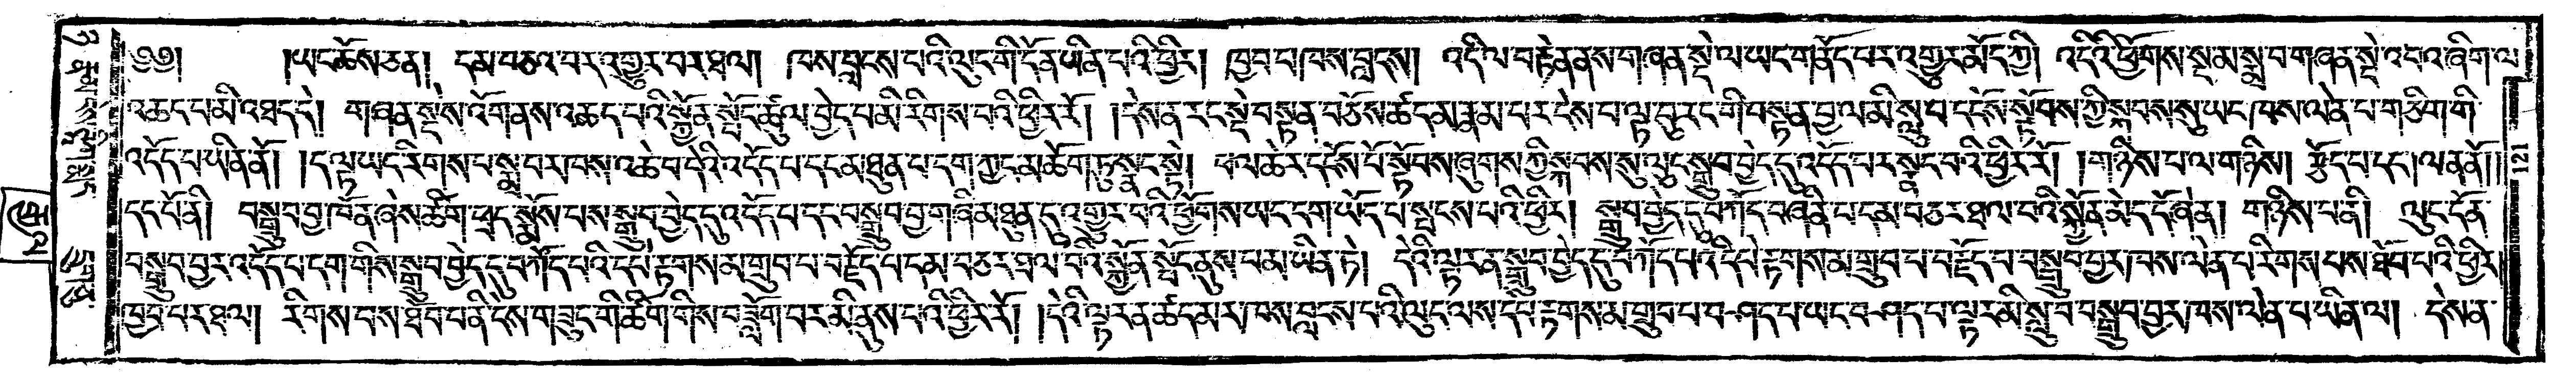༄༅། །ཡང་ཆོས་ཅན། དམ་བཅའ་བར་འགྱུར་པར་ཐལ། ཁས་བླངས་པའི་ལུང་གི་དོན་ཡིན་པའི་ཕྱིར། ཁྱབ་པ་ཁས་བླངས། འདི་ལ་བརྟེན་ནས་གཞན་སྡེ་ལ་ཡང་གནོད་པར་འགྱུར་མོད་ཀྱི། འདིའི་ཕྱོགས་སྔ་མ་སྨྲ་བ་གཞན་སྡེ་འབའ་ཞིག་ལ་
འཆང་པ་མི་འཐད་དེ། གཞན་སྡེས་འོག་ནས་འཆད་པའི་སྐྱོན་སྤོང་ཚུལ་བྱེད་པ་མི་རིགས་པའི་ཕྱིར་རོ། །དེས་ན་རང་སྡེ་བསྟན་བཅོས་ཚད་མ་རྣམ་པར་ངེས་པ་ལྟ་བུ་རང་གི་བསྟན་བྱ་ལ་མི་སླུ་བ་དངོས་སྟོབས་ཀྱི་སྐབས་སུ་ཡང་ཁས་ལེན་པ་གཅིག་གི་
འདོད་པ་ཡིན་ནོ། །ད་ལྟ་ཡང་རིགས་པ་སྨྲ་བར་ཁས་འཆེ་བ་དེའི་འདོད་པ་དང་མཐུན་པ་དག་ཀྱང་མཆོག་ཏུ་སྣང་སྟེ། ཕལ་ཆེར་དངོས་པོ་སྟོབས་ཞུགས་ཀྱི་སྐབས་སུ་ལུང་སྒྲུབ་བྱེད་དུ་འདོད་པར་སྣང་བའི་ཕྱིར་རོ། །གཉིས་པ་ལ་གཉིས། རྩོད་པ་དང་། ལན་ནོ།།
དང་པོ་ནི། བསྒྲུབ་བྱ་ཁོ་ན་ཞེས་ཚིག་ཕྲད་སྨོས་པས་སྒྲུབ་བྱེད་དུ་འདོད་པ་དང་བསྒྲུབ་བྱ་གཞི་མཐུན་དུ་འགྱུར་པའི་ཕྱོགས་ཡང་དག་ཡོད་པ་སྤངས་པའི་ཕྱིར། སྒྲུབ་བྱེད་དུ་བཀོད་བཞིན་པ་དམ་བཅར་ཐལ་བའི་སྐྱོན་མེད་དོ་ཞེ་ན། གཉིས་པ་ནི། ལུང་དོན་
བསྒྲུབ་བྱར་འདོད་པ་དག་གིས་སྒྲུབ་བྱེད་དུ་བཀོད་པའི་དཔེ་རྟགས་མ་གྲུབ་པ་བརྗོད་པ་དམ་བཅར་ཐལ་བའི་སྐྱོན་སྤོང་ནུས་པ་མ་ཡིན་ཏེ། དེའི་ལྟར་ན་སྒྲུབ་བྱེད་དུ་བཀོད་པའི་དཔེ་རྟགས་མ་གྲུབ་པ་བརྗོད་པ་བསྒྲུབ་བྱར་ཁས་ལེན་པ་རིགས་པས་ཐོབ་པའི་ཕྱིར་
ཁྱབ་པར་ཐལ། རིགས་བས་ཐོབ་པ་ནི་ངེས་གཟུང་གི་ཚིག་གིས་བཟློག་པར་མི་ནུས་པའི་ཕྱིར་རོ། །དེའི་ལྟར་ན་ཚད་མར་ཁས་བླངས་པའི་ལུང་ལས་དཔེ་རྟགས་མ་གྲུབ་པ་བཤད་པ་ཡང་བཤད་པ་ལྟར་མི་སླུ་བ་བསྒྲུབ་བྱར་ཁས་ལེན་པ་ཡིན་ལ། དེས་ན་